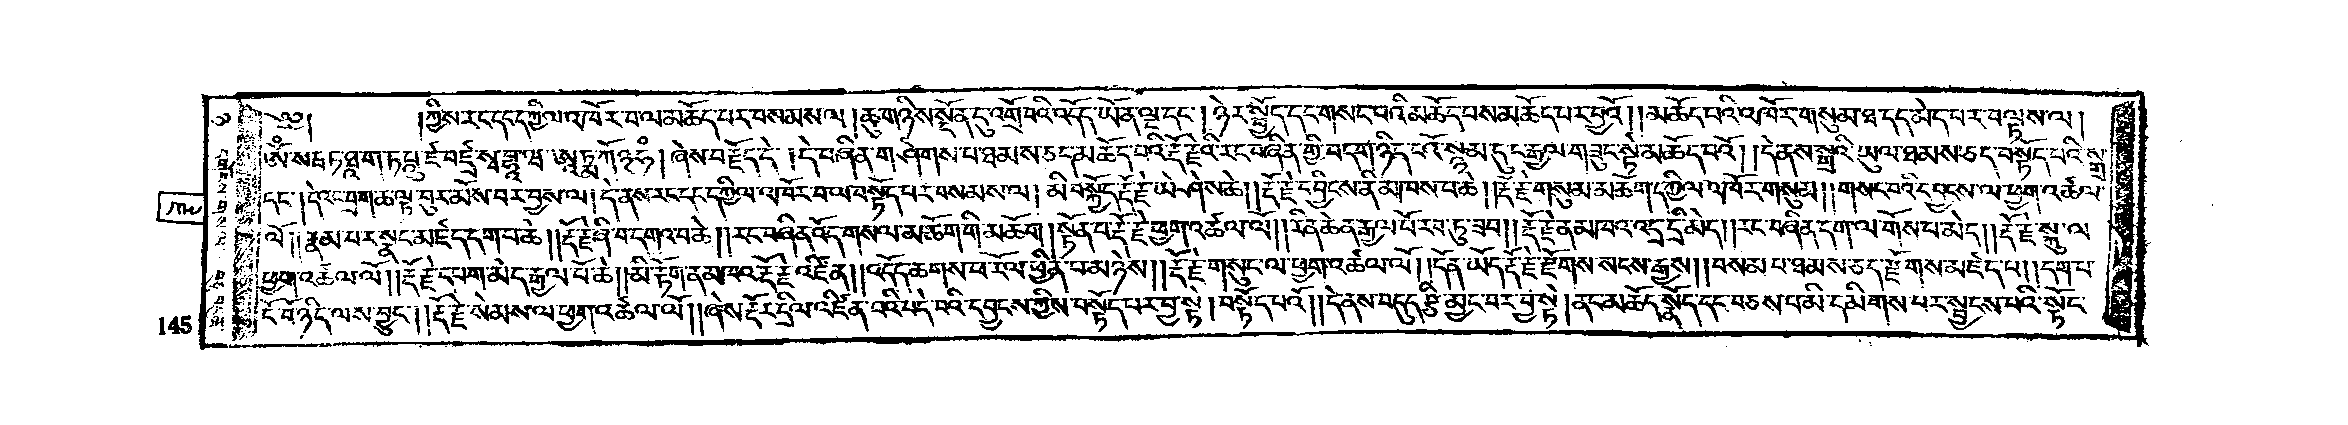༄༅། །ཀྱིས་རང་དང་དཀྱིལ་འཁོར་བ་ལ་མཆོད་པར་བསམས་ལ། ཆུ་གཉིས་སྔོན་དུ་འགྲོ་བའི་འདོད་ཡོན་ལྔ་དང་། ཉེར་སྤྱོད་དང་གསང་བའི་མཆོད་པས་མཆོད་པར་བྱའོ། །མཆོད་པའི་འཁོར་གསུམ་ཐ་དད་མེད་པར་བལྟས་ལ།
ཨོཾ་སརྦ་ཏ་ཐཱ་ག་ཏ་པཱུ་ཛ་བཛྲ་སྭ་བྷཱ་ཝ་ཨཱཏྨ་ཀོ་ཉ་ཧཾ། ཞེས་བརྗོད་དེ། དེ་བཞིན་གཤེགས་པ་ཐམས་ཅད་མཆོད་པའི་རྡོ་རྗེའི་རང་བཞིན་གྱི་བདག་ཉིད་ངའོ་སྙམ་དུ་ང་རྒྱལ་གཟུང་སྟེ་མཆོད་པའོ། །དེ་ནས་སྒྲའི་ཡུལ་ཐམས་ཅད་བསྟོད་པའི་སྒྲ་
དང་། དེའང་བྲག་ཆ་ལྟ་བུར་མོས་བར་བྱས་ལ། དེ་ནས་རང་དང་དཀྱིལ་འཁོར་བ་ལ་བསྟོད་པར་བསམས་ལ། མི་བསྐྱོད་རྡོ་རྗེ་ཡེ་ཤེས་ཆེ། །རྡོ་རྗེ་དབྱིངས་ནི་མཁས་པ་ཆེ། །རྡོ་རྗེ་གསུམ་མཆོག་དཀྱིལ་འཁོར་གསུམ། །གསང་བའི་དབྱངས་ལ་ཕྱག་འཚལ་
ལོ། །རྣམ་པར་སྣང་མཛད་དག་པ་ཆེ། །རྡོ་རྗེ་ཞི་བ་དགའ་བ་ཆེ། །རང་བཞིན་འོད་གསལ་མཆོག་གི་མཆོག །སྟོན་པ་རྡོ་རྗེ་ཕྱག་འཚལ་ལོ། །རིན་ཆེན་རྒྱལ་པོ་རབ་ཏུ་ཟབ། །རྡོ་རྗེ་ནམ་མཁའ་འདྲ་དྲི་མེད། །རང་བཞིན་དག་ལ་གོས་པ་མེད། །རྡོ་རྗེ་སྐུ་ལ་
ཕྱག་འཚལ་ལོ། །རྡོ་རྗེ་དཔག་མེད་རྒྱལ་པོ་ཆེ། །མི་རྟོག་ནམ་མཁའ་རྡོ་རྗེ་འཛིན། །འདོད་ཆགས་ཕ་རོལ་ཕྱིན་པ་མཉེས། །རྡོ་རྗེ་གསུང་ལ་ཕྱག་འཚལ་ལོ། །དོན་ཡོད་རྡོ་རྗེ་རྫོགས་སངས་རྒྱས། །བསམ་པ་ཐམས་ཅད་རྫོགས་མཛད་པ། །དག་པ་
ངོ་བོ་ཉིད་ལས་བྱུང་། །རྡོ་རྗེ་སེམས་ལ་ཕྱག་འཚལ་ལོ། །ཞེས་རྡོར་དྲིལ་འཛིན་པའི་བདེ་བའི་དབྱངས་ཀྱིས་བསྟོད་པར་བྱ་སྟེ། བསྟོད་པའོ། །དེ་ནས་བདུད་རྩི་མྱང་བར་བྱ་སྟེ། ནང་མཆོད་སྣོད་དང་བཅས་པ་མི་དམིགས་པར་སྦྱངས་པའི་སྟོང་